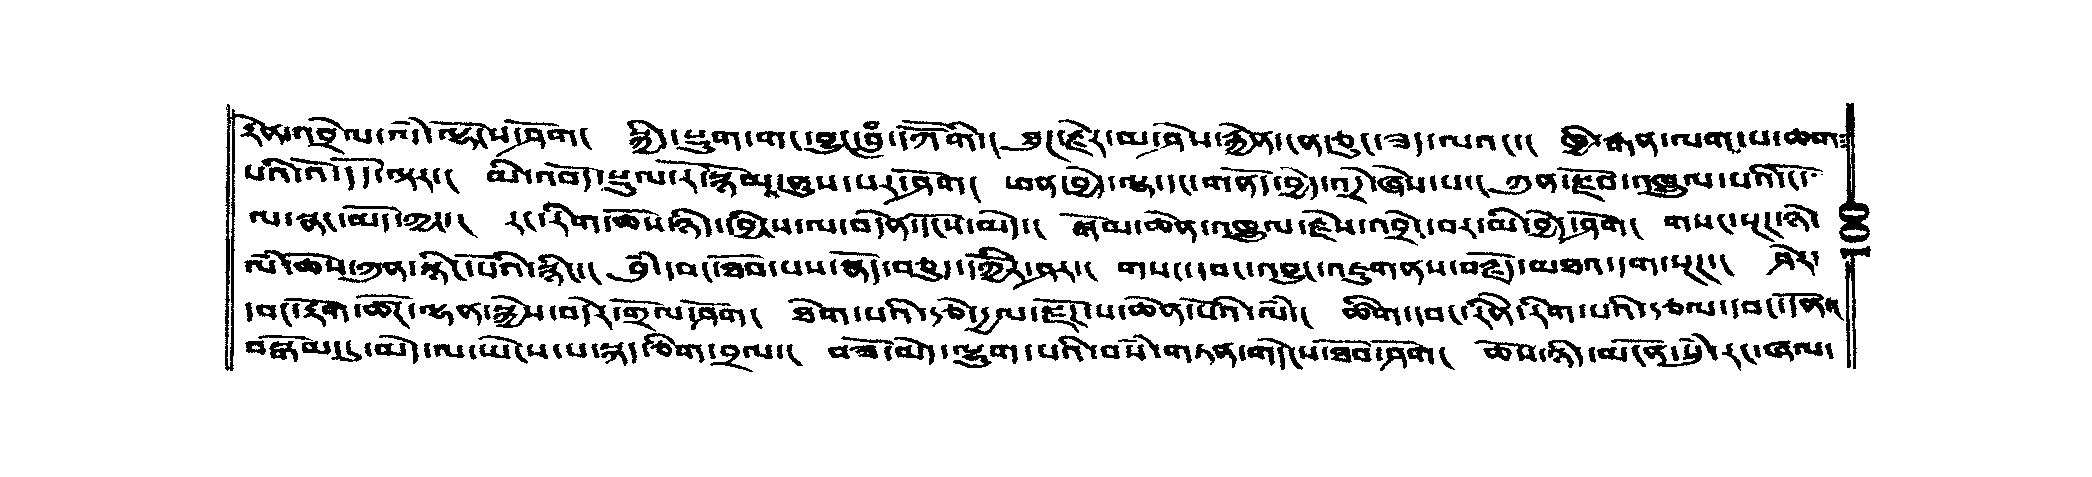རྟེན་འབྲེལ་ལམ་ལྷོངས་ཤོག །སྐྱིད་སྡུག་གང་བྱུང་བླམ་དཀོན་མཆོག་གི །ཐུགས་རྗེར་མ་ཤེས་རྐྱེན་ངན་ཅུང་ཟད་ལའང་། །ཁྱི་རྒན་ལག་པ་ཆག་
པའི་འོ་དོད་ལྟར། །མི་འབོད་སྡུག་བསྔལ་རོ་སྙོམས་ནུས་པར་ཤོག །ཕན་བྱེད་ལྷ་དང་གནོད་བྱེད་འདྲེ་ཞེས་པ། །ཀུན་རྫོབ་འཁྲུལ་པའི་ངོ་
ལ་སྣང་མོད་ཀྱང་། །རང་རིག་ཆོས་ཉིད་དབྱིངས་ལ་བདེན་དངོས་མེད། །སྒོམ་ཆེན་འཁྲུལ་རྗེས་འབྲེང་བར་མི་བྱེད་ཤོག །གསང་སྔགས་ཉེ་
ལམ་ཆོས་ཀུན་སྙིང་པོའི་སྙིང་། །བུམ་དབང་ཐོབ་པས་སྣོད་བཅུད་དཀྱིལ་འཁོར་ཤར། །གསང་དབང་འབྱུང་འཇུག་བཟླས་བརྗོད་མཐའ་དག་སྔགས། །ཤེར་
དབང་རྟོག་ཚོགས་ལྷན་སྐྱེས་བདེ་གྲོལ་ཤོག །ཐེག་པའི་རྩེ་རྒྱལ་རྫོགས་པ་ཆེན་པོའི་ལམ། །ཚིག་དབང་རིན་ཆེན་རིག་པའི་རྩལ་དབང་དོན། །
བསྒོམ་དུ་མེད་ལ་ཡེངས་པ་སྐད་ཅིག་བྲལ། །བཟོ་མེད་ལྷུག་པའི་བསམ་གཏན་གདེངས་ཐོབ་ཤོག །ཆོས་ཉིད་མངོན་སུམ་རང་ཞལ་